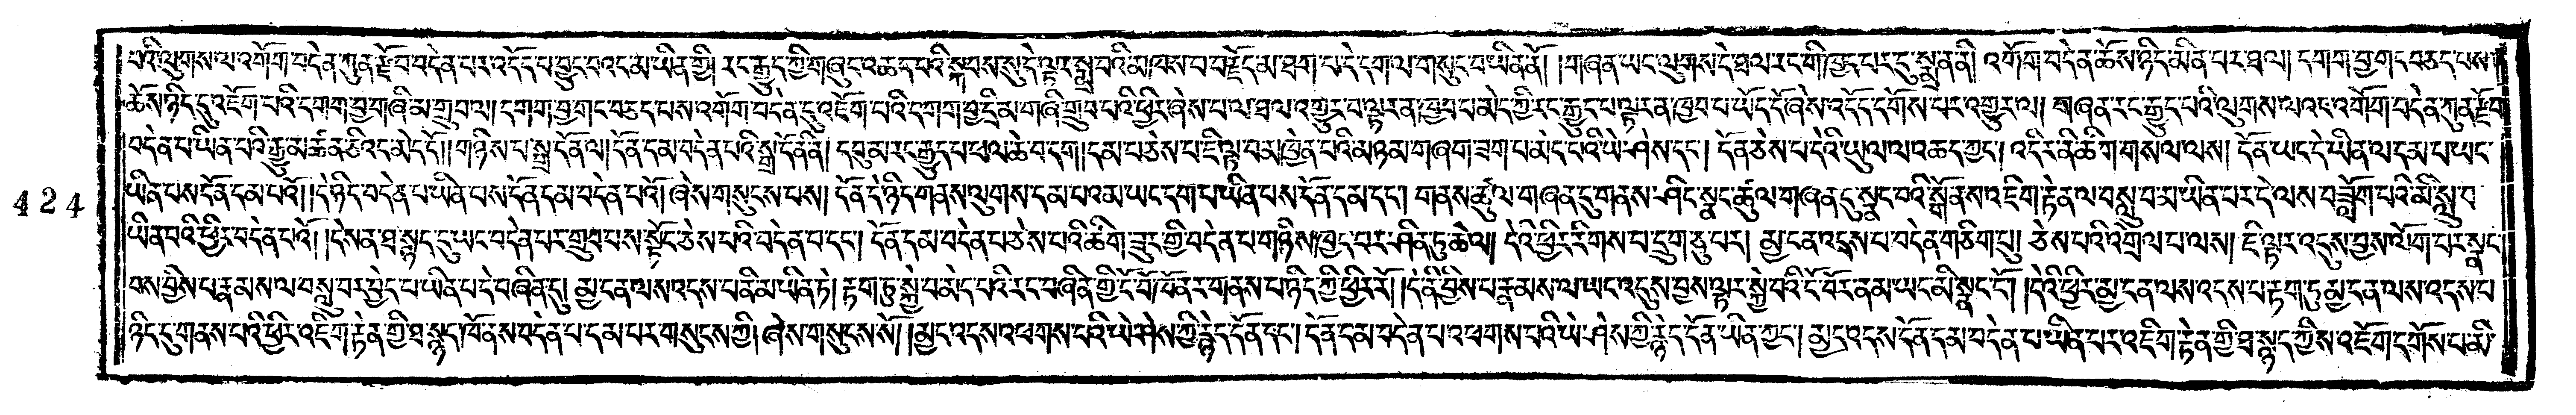པའི་ལུགས་ལ་འགོག་བདེན་ཀུན་རྫོབ་བདེན་པར་འདོད་པ་བྱུང་བའང་མ་ཡིན་གྱི། རང་རྒྱུད་ཀྱི་གཞུང་འཆད་པའི་སྐབས་སུ་དེ་ལྟར་སྨྲ་བའི་མཁས་པ་བརྗོད་མ་ཐག་པ་དེ་དག་ལ་གསུངས་པ་ཡིན་ནོ། །གཞན་ཡང་ལུགས་དེ་ཐལ་རང་གི་ཁྱད་པར་དུ་སྨྲ་ན་ནི། འགོག་བདེན་ཆོས་ཉིད་མིན་པར་ཐལ། དགག་བྱ་གང་བཅད་པས་
ཆོས་ཉིད་དུ་འཇོག་པའི་དགག་བྱ་གཞི་མ་གྲུབ་ལ། དགག་བྱ་གང་བཅད་པས་འགོག་བདེན་དུ་འཇོག་བའི་དགག་བྱ་དྲི་མ་གཞི་གྲུབ་པའི་ཕྱིར་ཞེས་པ་ལ་ཐལ་འགྱུར་བ་ལྟར་ན་ཁྱབ་པ་མེད་ཀྱི་རང་རྒྱུད་པ་ལྟར་ན་ཁྱབ་པ་ཡོད་དོ་ཞེས་འདོད་དགོས་པར་འགྱུར་ལ། གཞན་རང་རྒྱུད་པའི་ལུགས་ལའང་འགོག་བདེན་ཀུན་རྫོབ་
བདེན་པ་ཡིན་པའི་རྒྱུ་མཚན་ཅིའང་མེད་དོ། །གཉིས་པ་སྒྲ་དོན་ལ། དོན་དམ་བདེན་པའི་སྒྲ་དོན་ནི། དབུ་མ་རང་རྒྱུད་པ་ཕལ་ཆེ་བདག། དམ་བཅེས་པ་ཇི་ལྟ་བ་མཁྱེན་པའི་མཉམ་གཞག་ཟག་བ་མེད་པའི་ཡེ་ཤེས་དང་། དོན་ཅེས་པ་དེའི་ཡུལ་ལ་འཆད་ཀྱང་། འདིར་ནི་ཚིག་གསལ་ལས། དོན་ཡང་དེ་ཡིན་ལ་དམ་པ་ཡང་
ཡིན་པས་དོན་དམ་པའོ། །དེ་ཉིད་བདེན་པ་ཡིན་པས་དོན་དམ་བདེན་པའོ། ཞེས་གསུངས་པས། དོན་དེ་ཉིད་གནས་ལུགས་དམ་བའམ་ཡང་དག་པ་ཡིན་པས་དོན་དམ་དང་། གནས་ཚུལ་གཞན་དུ་གནས་ཤིང་སྣང་ཚུལ་གཞན་དུ་སྣང་བའི་སྒོ་ནས་འཇིག་རྟེན་ལ་བསླུ་བ་མ་ཡིན་པར་དེ་ལས་བཟློག་པའི་མི་སླུ་བ་
ཡིན་པའི་ཕྱིར་བདེན་པའོ། །དེས་ན་ཐ་སྙད་དུ་ཡང་བདེན་པར་གྲུབ་པས་སྟོང་ཅེས་པའི་བདེན་པ་དང་། དོན་དམ་བདེན་པ་ཅེས་པའི་ཚིག་ཟུར་གྱི་བདེན་པ་གཉིས་ཁྱད་པར་ཤིན་ཏུ་ཆེ་ལ། དེའི་ཕྱིར་རིགས་བ་དྲུག་ཅུ་བར། མྱ་ངན་ལས་འདས་བ་བདེན་གཅིག་བུ། ཅེས་པའི་འགྲེལ་བ་ལས། ཇི་ལྟར་འདུས་བྱས་ལོག་པར་སྣང་
པས་བྱིས་པ་རྣམས་ལ་བསླུ་བར་བྱེད་པ་ཡིན་བདེན་བཞིན་དུ། མྱ་ངན་ལས་འདས་པ་ནི་མ་ཡིན་ཏེ། རྟག་ཏུ་སྐྱེ་བ་མེད་པའི་རང་བཞིན་གྱི་ངོ་བོ་ཁོ་ནར་གནས་པ་ཉིད་ཀྱི་ཕྱིར་རོ། །དེ་ནི་བྱིས་བ་རྣམས་ལ་ཡང་འདུས་བྱས་ལྟར་སྐྱེ་བའི་ངོ་བོར་ནམ་ཡང་མི་སྣང་ངོ། །དེའི་ཕྱིར་མྱ་ངན་ལས་འདས་པ་རྟག་ཏུ་མྱ་ངན་ལས་འདས་པ་
ཉིད་དུ་གནས་བའི་ཕྱིར་འཇིག་རྟེན་གྱི་ཐ་སྙད་ཁོ་ནས་བདེན་པ་དམ་པར་གསུངས་ཀྱི། ཞེས་གསུངས་སོ། །མྱང་འདས་འཕགས་པའི་ཡེ་ཤེས་ཀྱི་རྙེད་དོན་དང་། དོན་དམ་བདེན་པ་འཕགས་པའི་ཡེ་ཤེས་ཀྱི་རྙེད་དོན་ཡིན་ཀྱང་། མྱང་འདས་དོན་དམ་བདེན་པ་ཡིན་པར་འཇིག་རྟེན་གྱི་ཐ་སྙད་ཀྱིས་འཇོག་དགོས་པ་ནི་